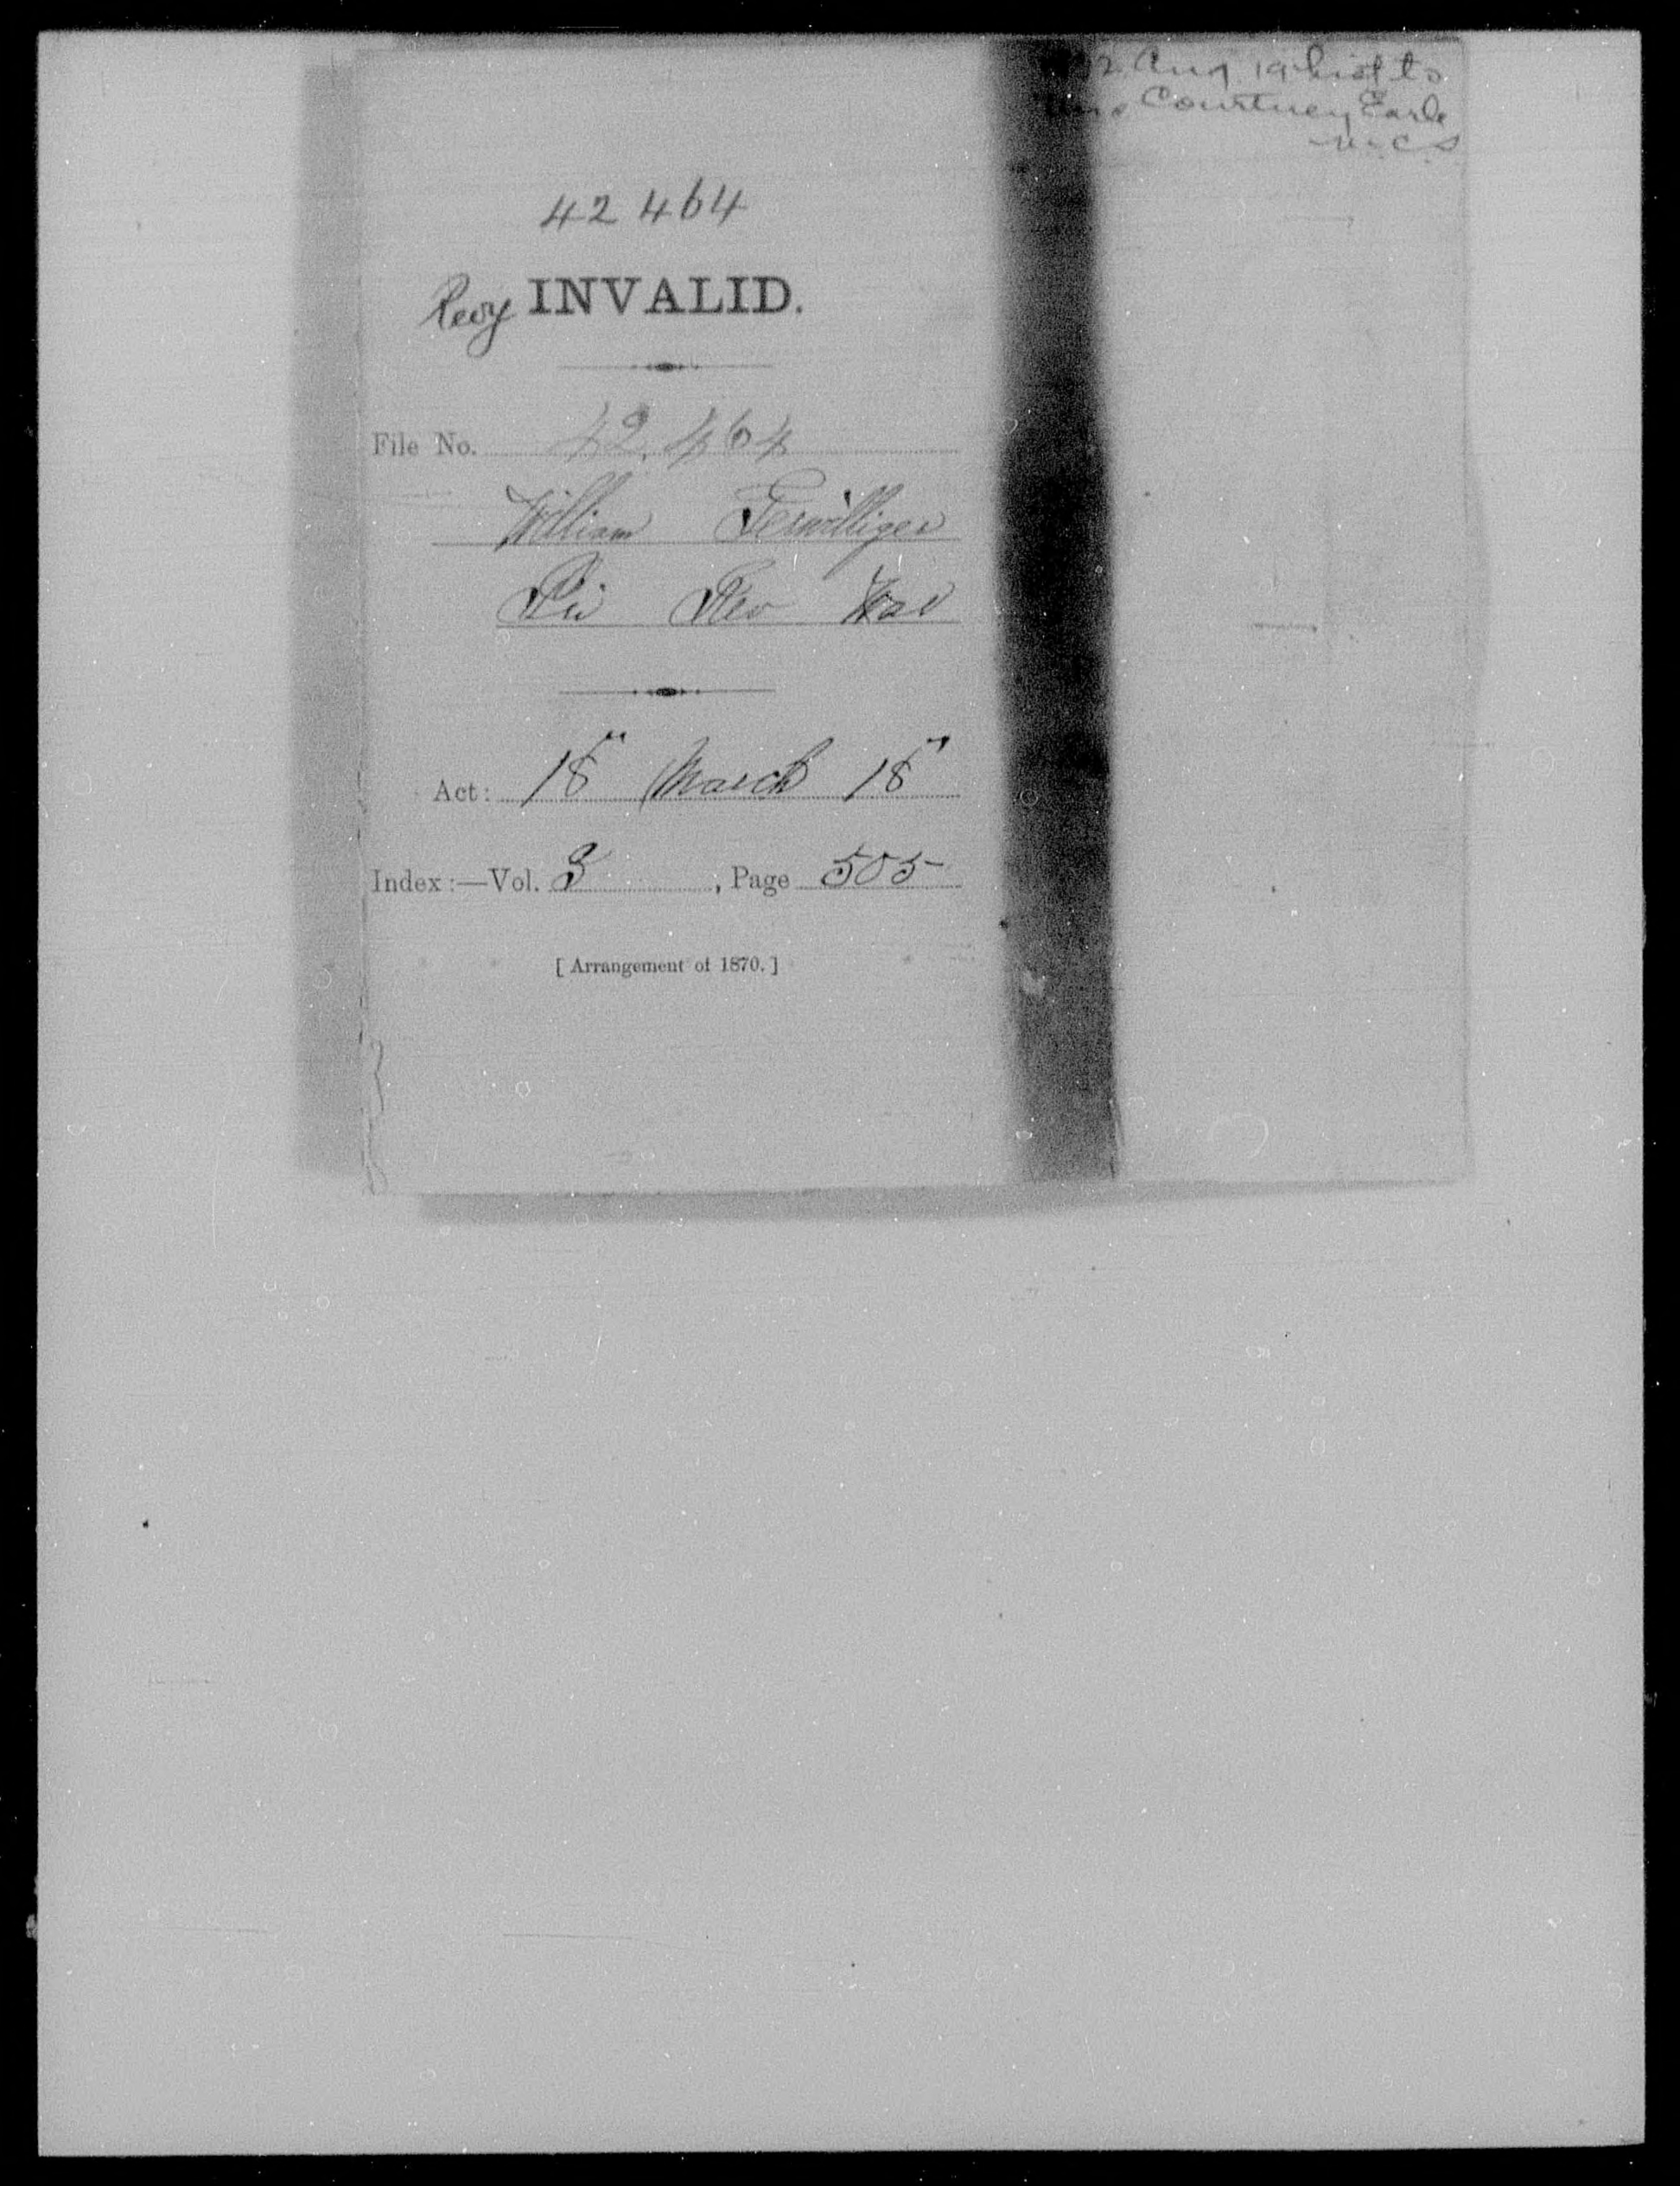42464
Revy INVALID.
File No. 42464
William Terwilliger
Pri Rev War
Act: 18 March 18
Index: - Vol. 3
Page 505
Arrangement of 1870.]

[column 2]
[illegible] 12 Aug 19 hist to [illegible] Courtney Earle U.C.S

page: 17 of 64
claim: survivor's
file: S. 42,464, for William Terwilliger, New York